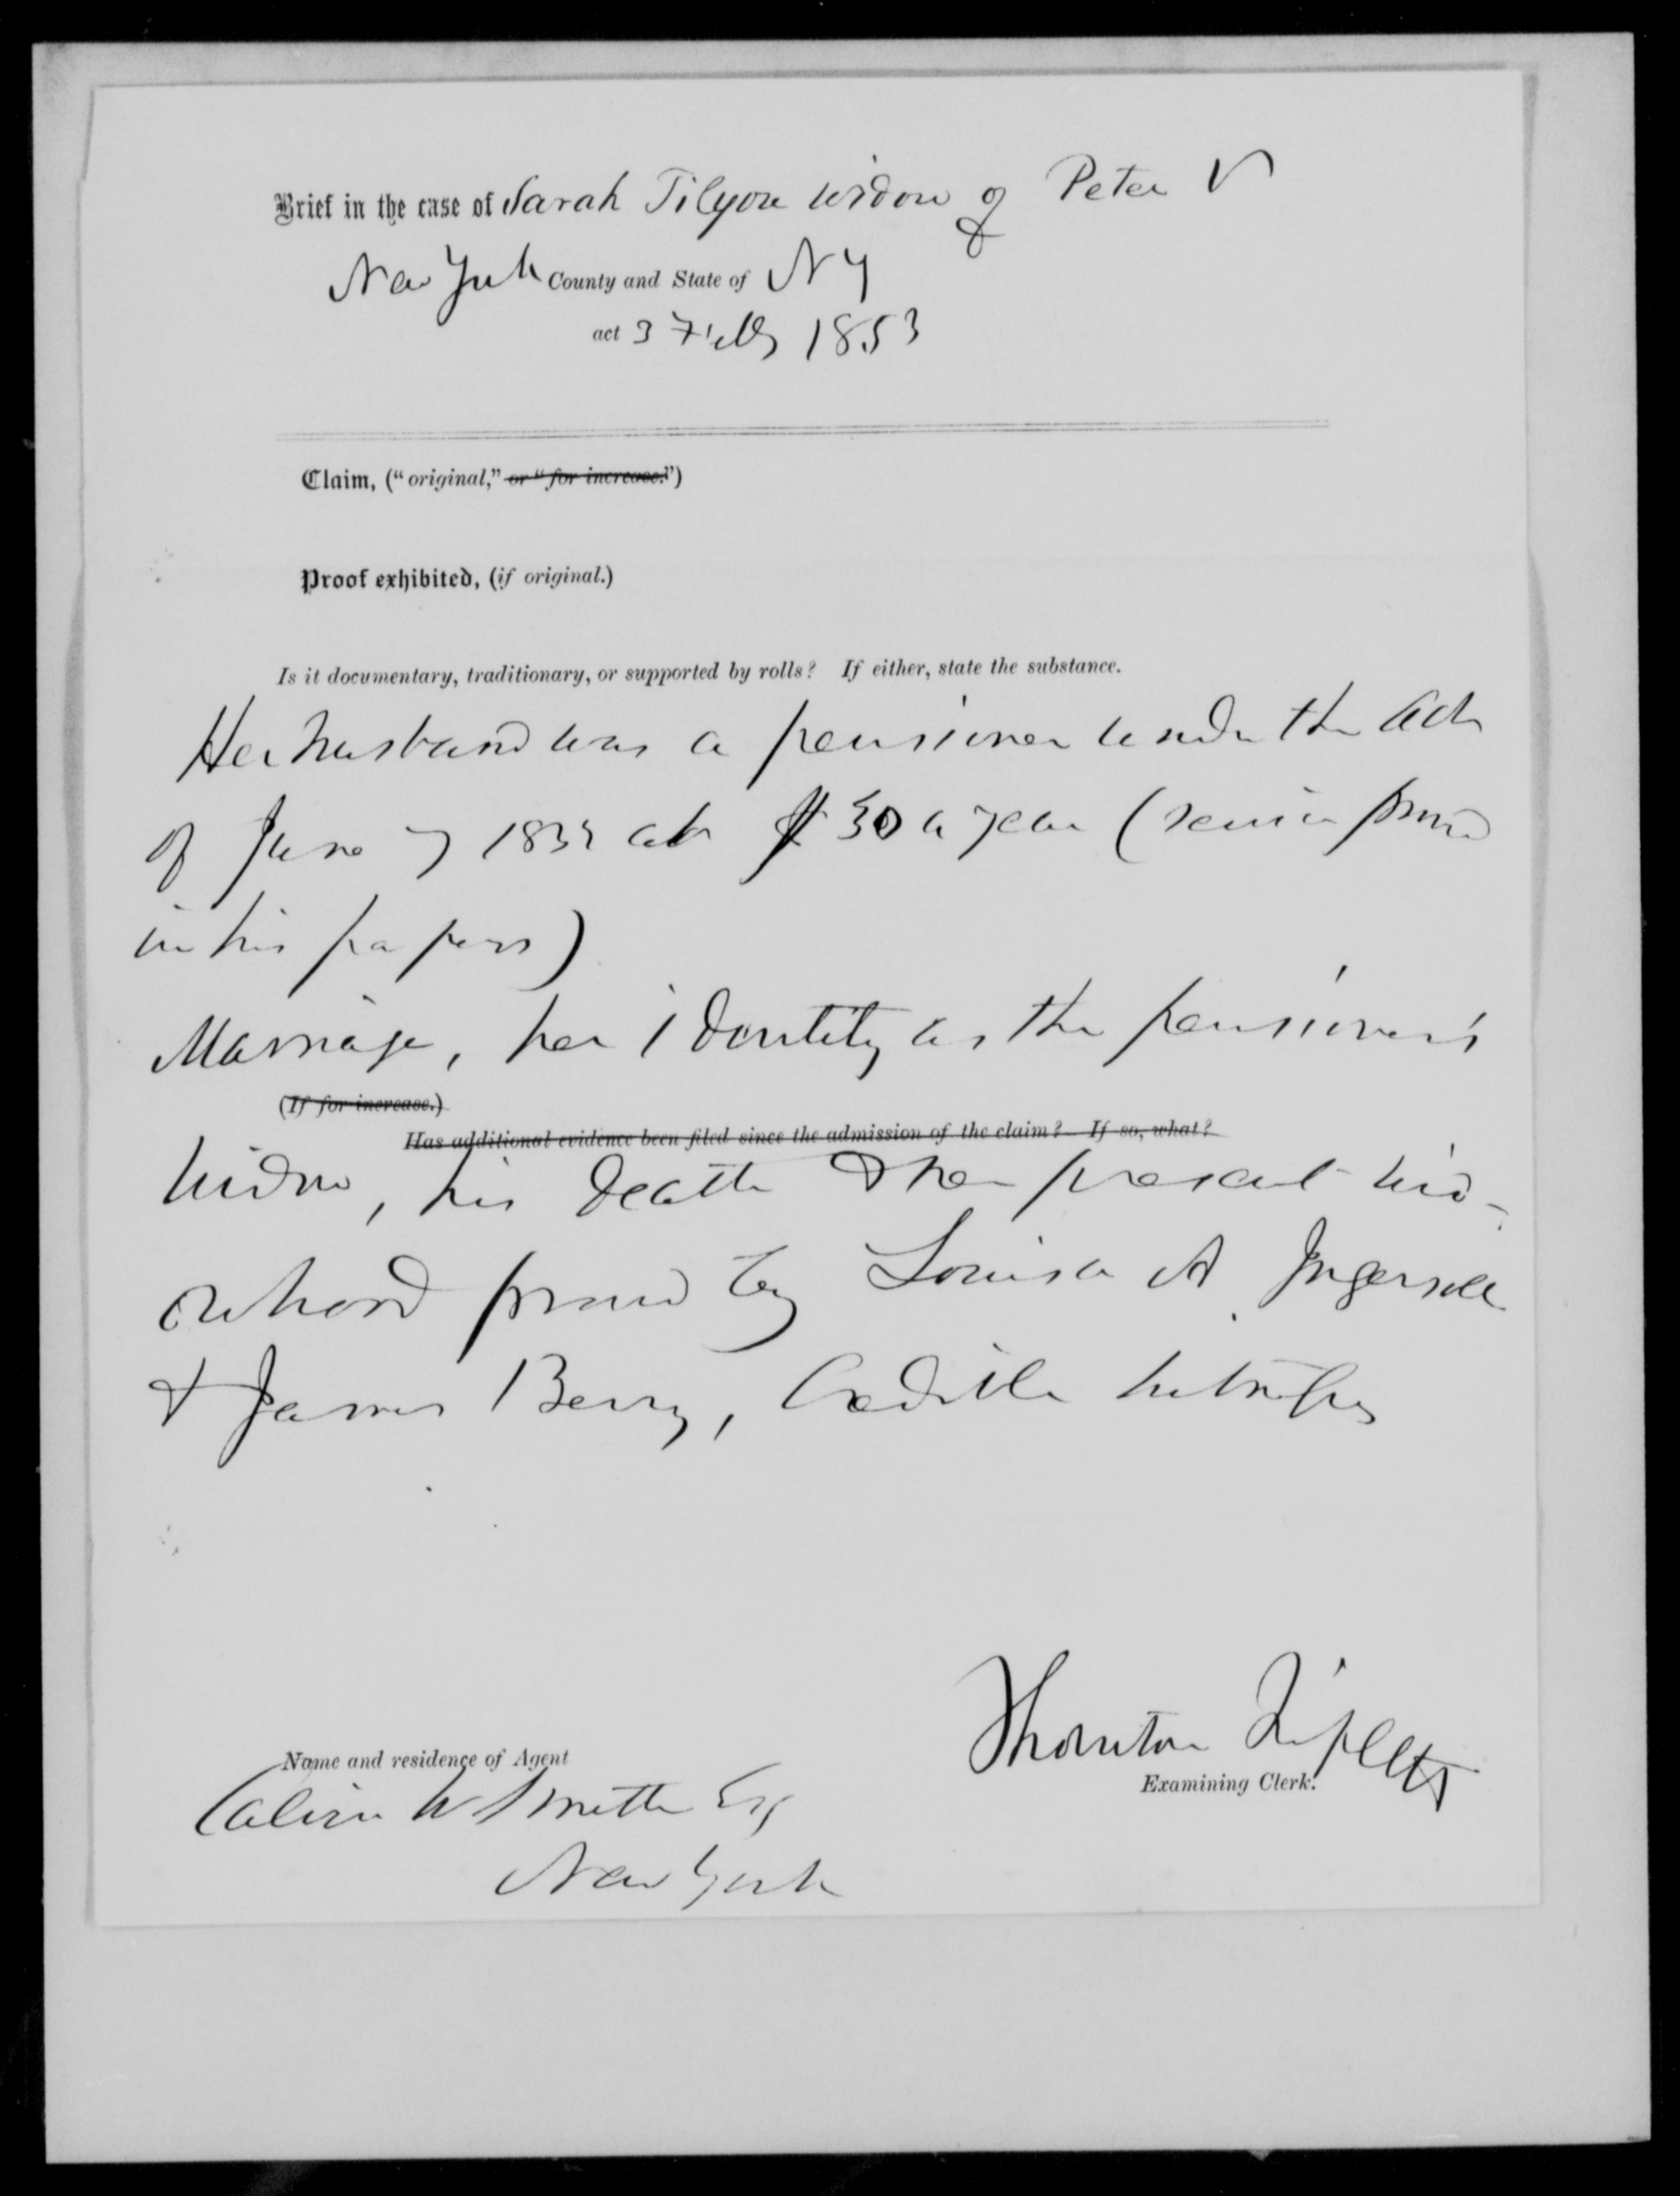Brief in the case of Sarah Tilyou widow of Peter V  New York County and State of NY
act 3 Feby 1853

Claim ("original")
Proof exhibited (if original)

Is it documentary, traditionary, or supported by rolls? If either, state the substance.
 Her husband was a pensioner under the Act of June 7 1835 at $30 a year (service proved in his papers)
Marriage, her identity as the pensioners widow, his death & her present widowhood proved by Louisa A. Ingersoll & James Berry, credible witnesses
  Thornton  [?pllts]  Examining Clerk

Name and residence of Agent
Calvin W Smith Esq
 New York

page: 83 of 101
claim: widow's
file: W. 25481, for Peter V Tilyou, New Jersey